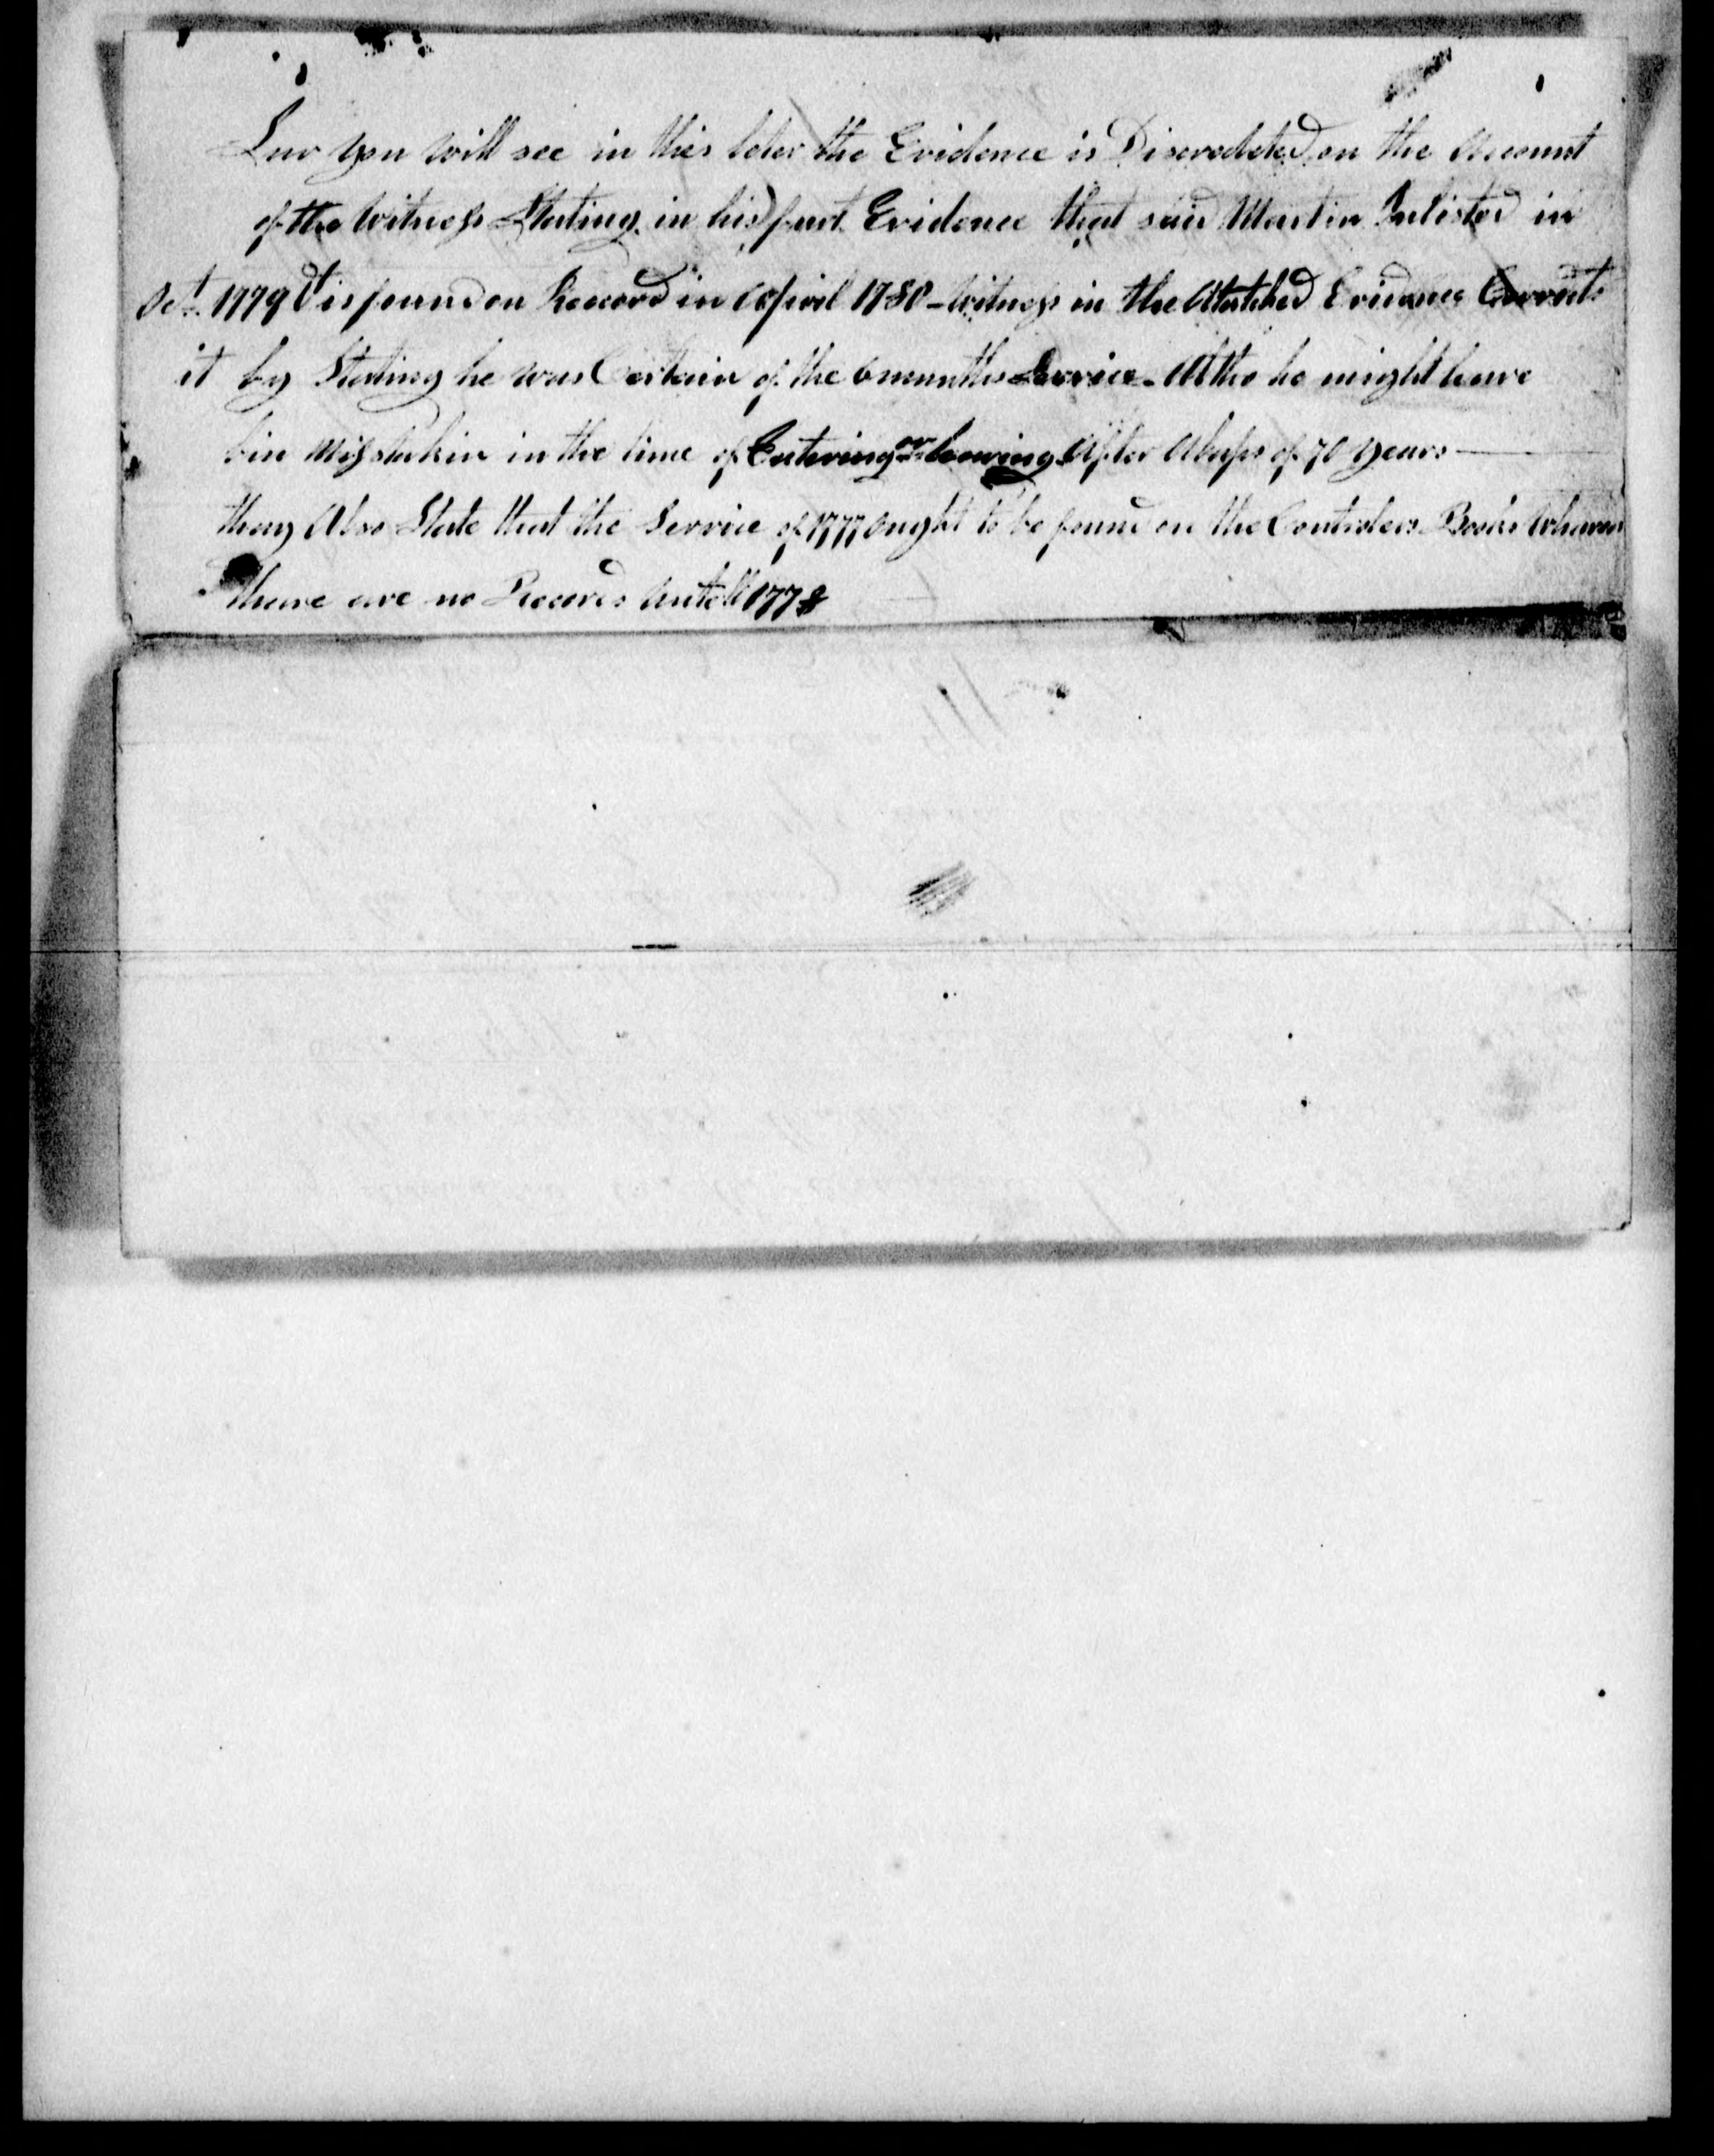Sir 
you will see in this letter the Evidence is Discredited on the account of the witness stating in his first Evidence that said Martin Inlisted [enlisted] in Oct. 1779 & is found on Record in April 1780 - witness in the established evidence [illegible] it by Stating he was certain of the 6 months service.  Altho he might have been mistaken in the time of entering or leaving after [illegible] of 70 years - they also state that the Service of 1777 ought to be found on the Continental Books where there are no Records untill 1778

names: Martin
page: 37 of 70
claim: rejected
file: R. 10,832, Martin Van Buskirk, New York.